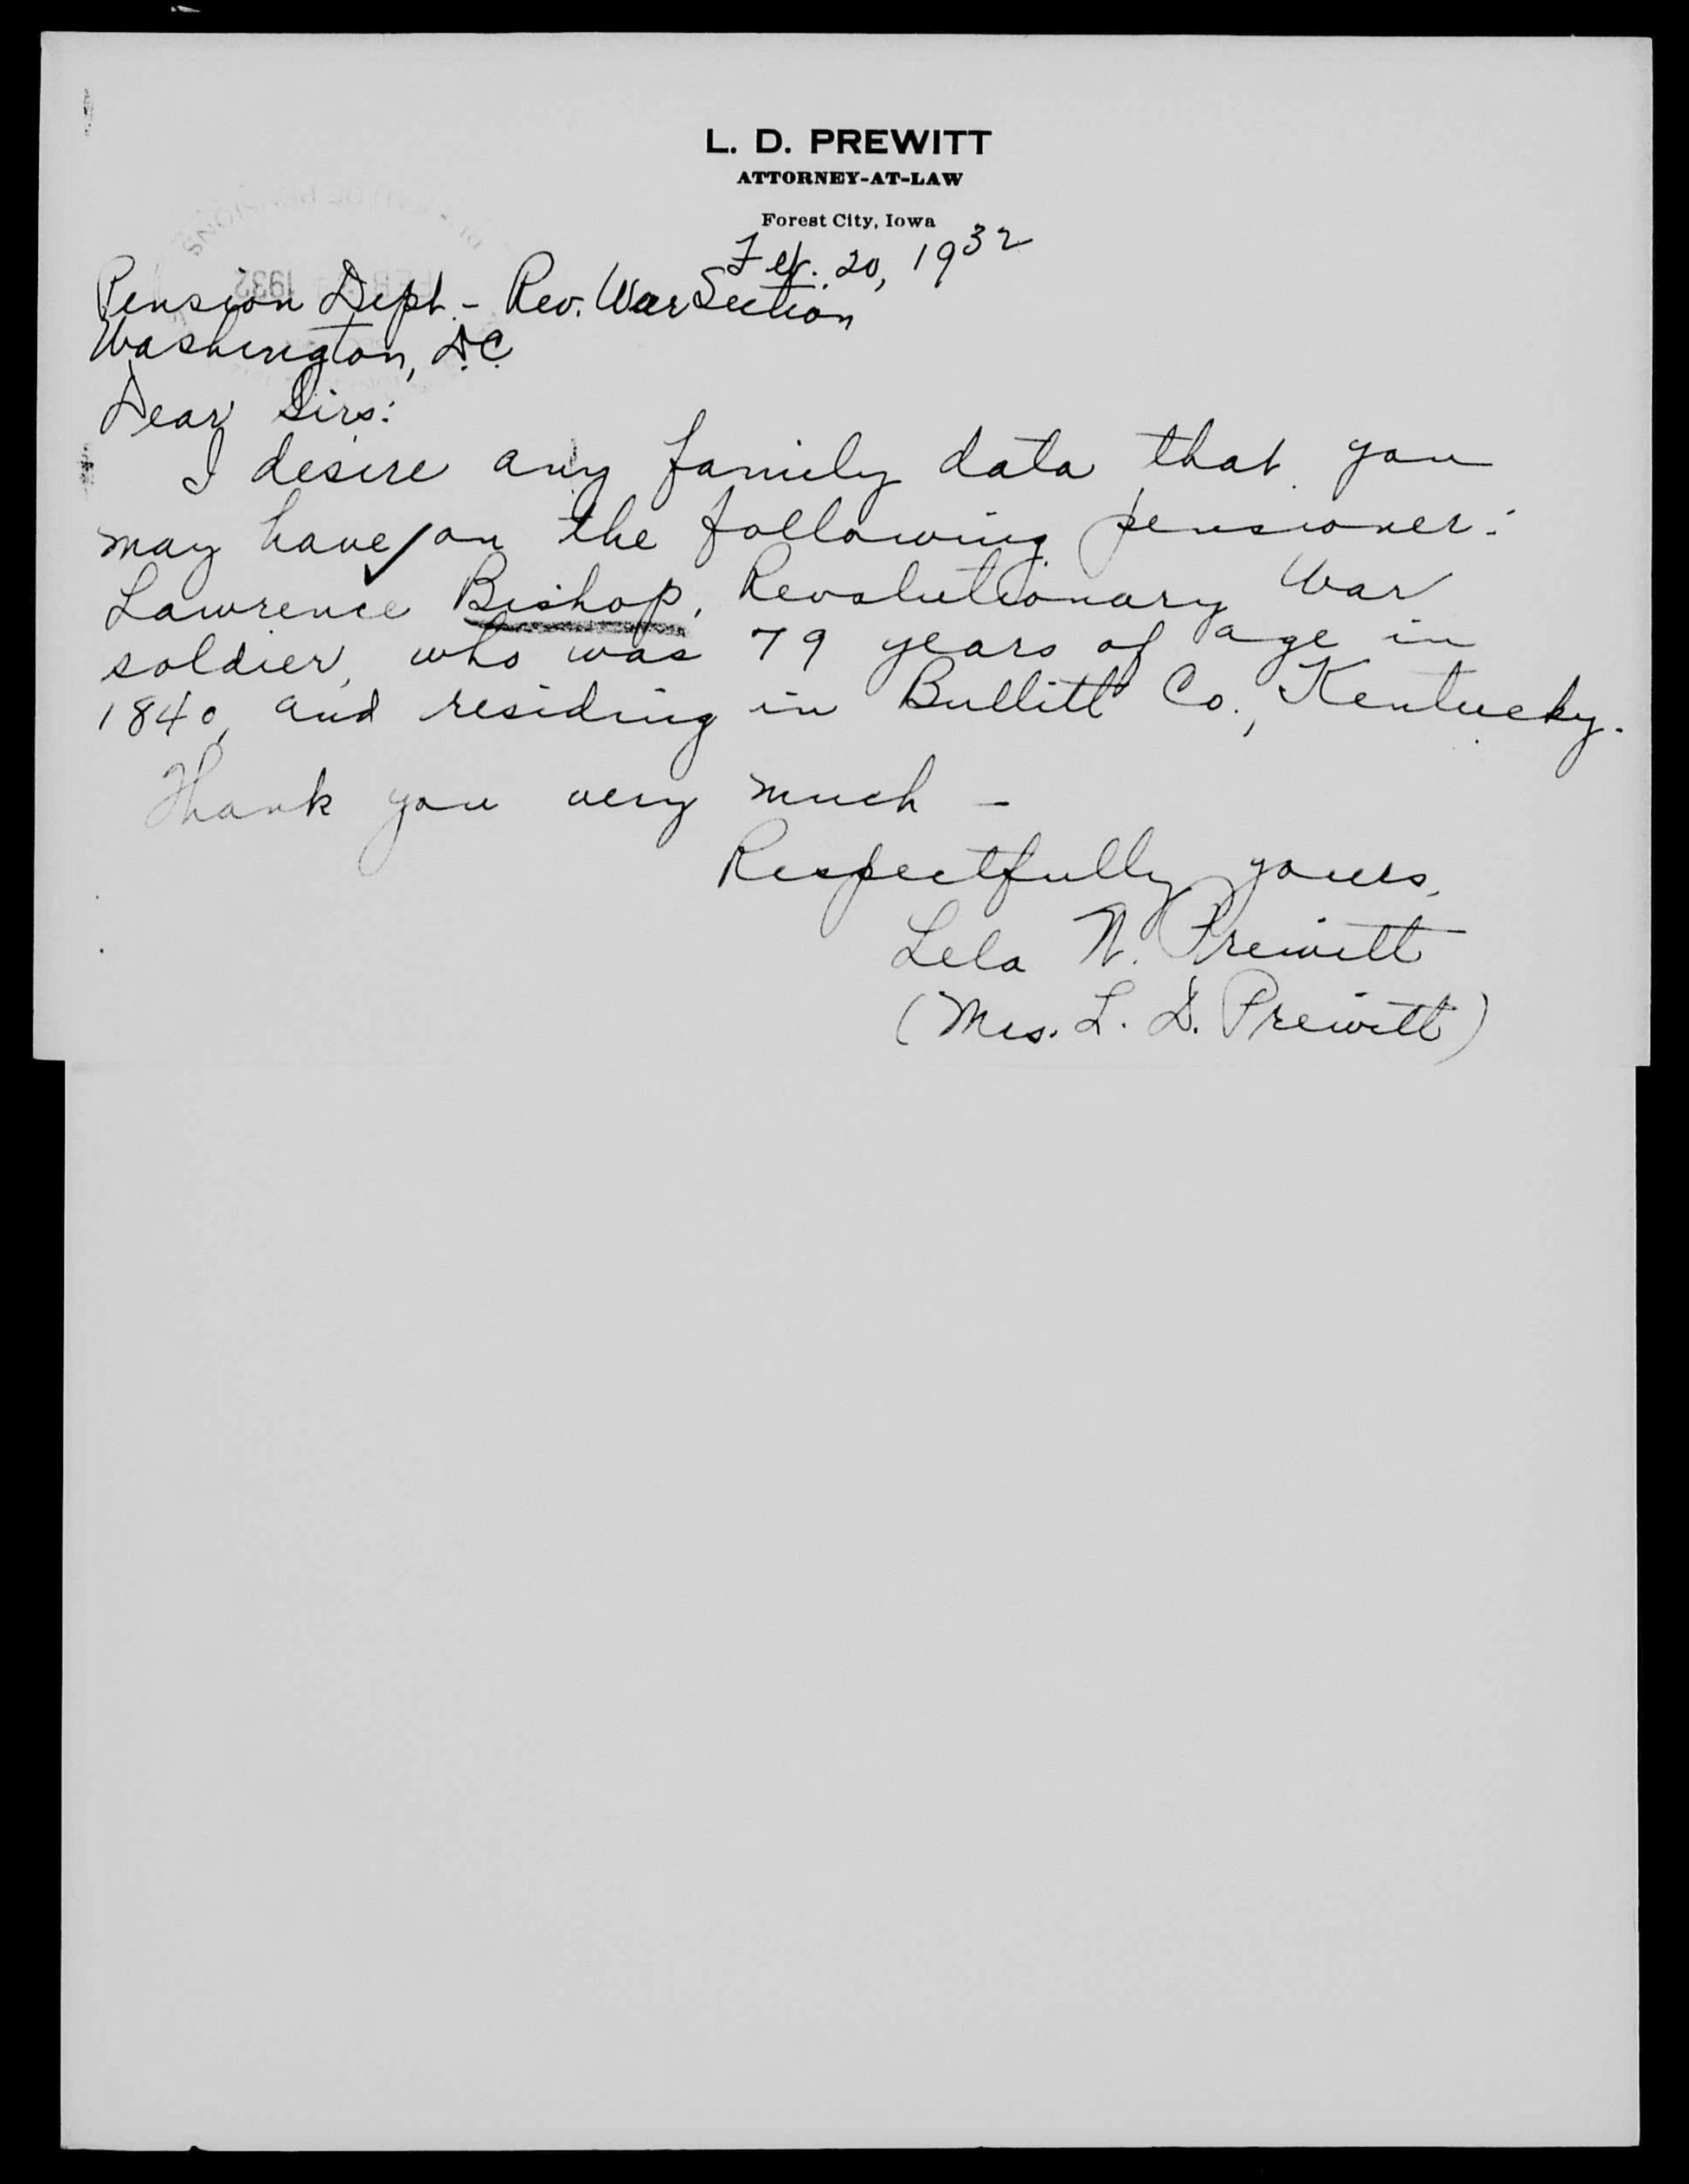L. D. PREWITT 
ATTORNEY-AT-LAW 
Forest City, Iowa 
Feb. 20, 1932
1932
Pension Dept - Rev War Section  
Washington, D.C. 
Dear Sirs 
I desire any family data that you may have on the following pensioner: 
Lawrence Bishop,  Revolutionary War soldier who was 79 years of age in 1840, and residing in Bullitt Co. Kentucky.  
Thank you very much  - 
Respectfully yours 
Lela W. Prewitt (Mrs. L. D. Prewitt)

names: Lela W Prewitt, Lawrence Bishop, L D Prewitt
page: 16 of 26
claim: survivor's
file: S.1,166, Lawrence Bishop, Penn.